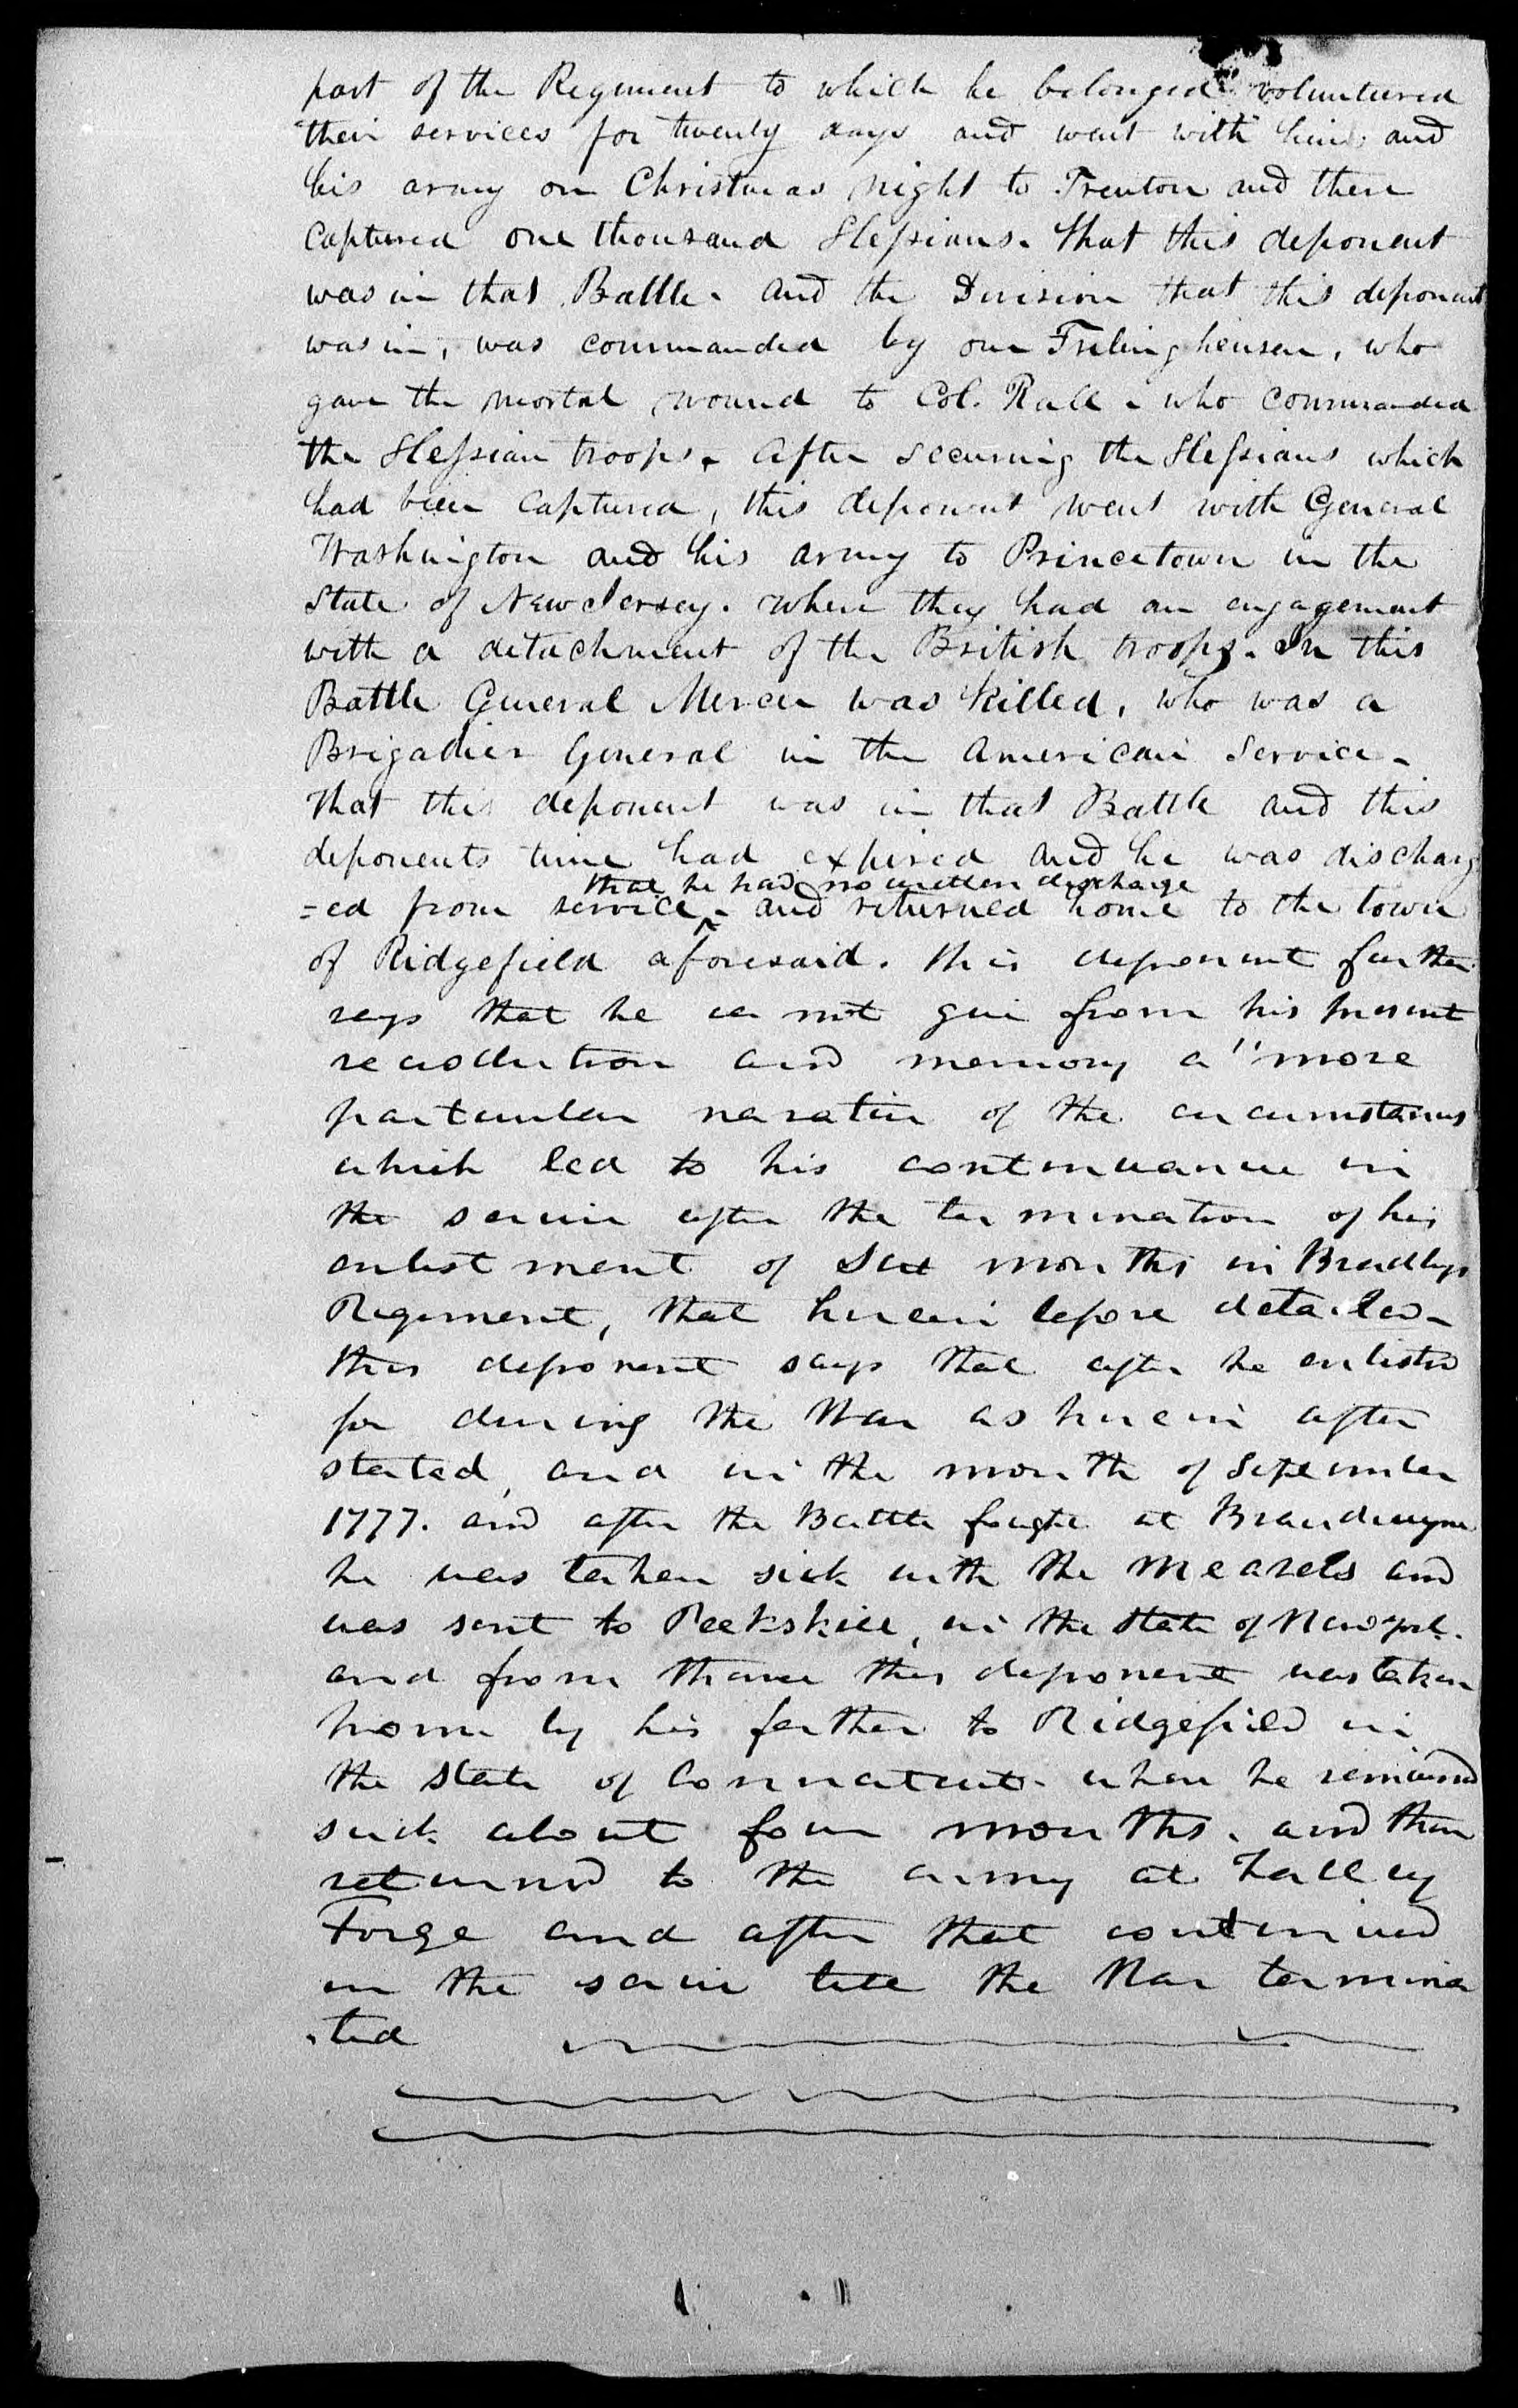part of the Regiment to which he belonged volunteered their services for twenty days and went with him and his army on Christmas night to Trenton and there captured one thousand Hessians. That this deponent was in that Battle and the Division that this deponent was in, was commanded by one Frelingheuser, who gave the mortal round to Col. Rall who commanded the Hessian troops. After securing the Hessians which had been captured, this deponent went with General Washington and his army to Princetown in the State of New Jersey. Where they has an engagement with a detachment of the British troops. In this Battle General Mercer was killed, who was a Brigadier General in the American Service. That this deponent was in the Battle and this deponents time had expired and he was discharg=ed from service ^ that he had no written discharge and returned home to the town of Ridgefield aforesaid. This deponent further says that he can not give from his honest recollection and memory a more [illegible] naration of the circumstances which led to his continuance in the service after the termination of his enlistment of Six months in Bradleys Regiment, that herein before detailed
this deponent says that after he enlisted for during the War as herein after stated, and in the month of September 1777. and after the Battle fought at Brandewyne he was taken sick with measels and was sent to Peekskill in the state of New York. and from thence this deponent was taken home by his father to Ridgefield in the State of Connecticut where he remained sick about four months. and then returned to the army at Valley Forge and after that continued in the service till the War termina-ted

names: Washington, Mercer, Rall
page: 5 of 54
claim: survivor's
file: S. 13,043, Samuel Foster, Conn.